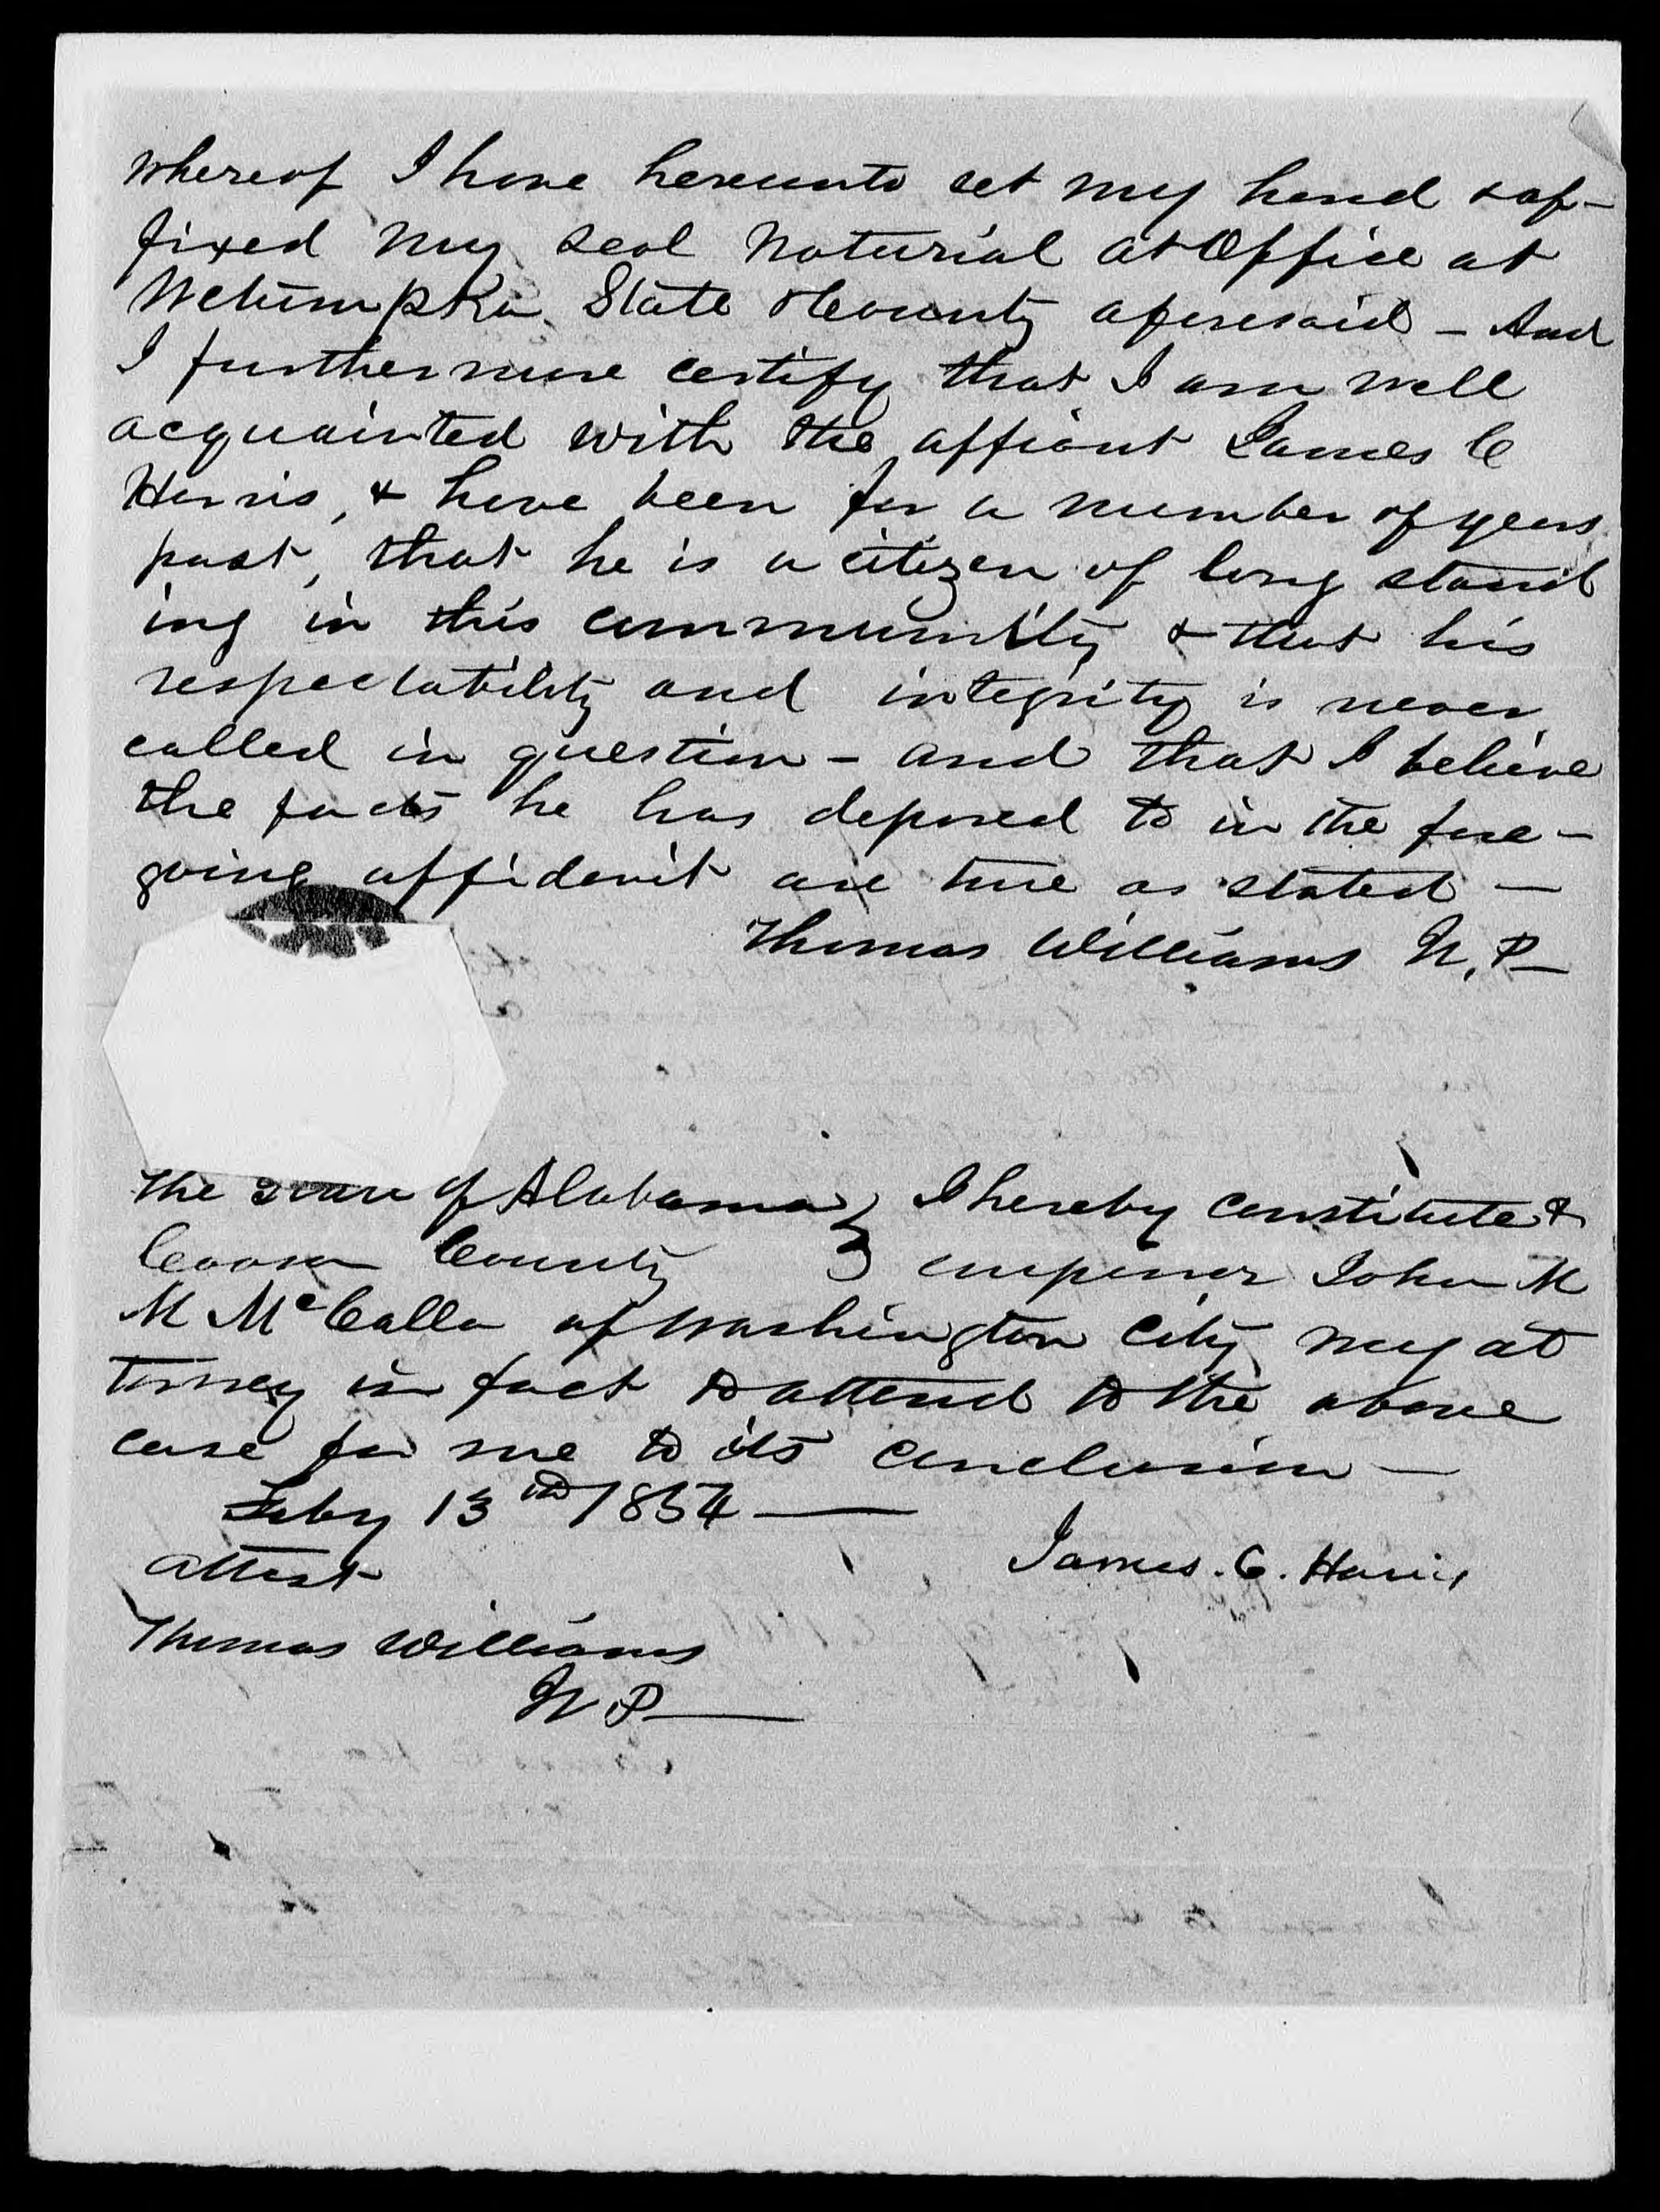whereof I have hereunto set my hand & affixed my seal notarial at office at Wetumpka, State & County aforesaid. And I furthermore certify that I am well acquainted with the affiant James G. Harris & have been for a number of years past, that he is a citizen of long standing in this community & that his respectability and integrity is never called in question. And that I believe the facts he has deposed to in the foregoing affidavit are true as stated.
Thomas Williams J.P.

The State of Alabama}
Coosa County}

I hereby constitute & empower John M M McCalla of Washington City my attorney in fact to attend to the above case for me to its conclusion
Feby 13 1854
James G. Harris

attest
Thomas Williams J. P.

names: Thomas Williams, James C Harris, Thomas Williams, James C Harris, John M M Mc Calla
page: 9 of 160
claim: rejected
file: R. 4666, James Harris, Va.